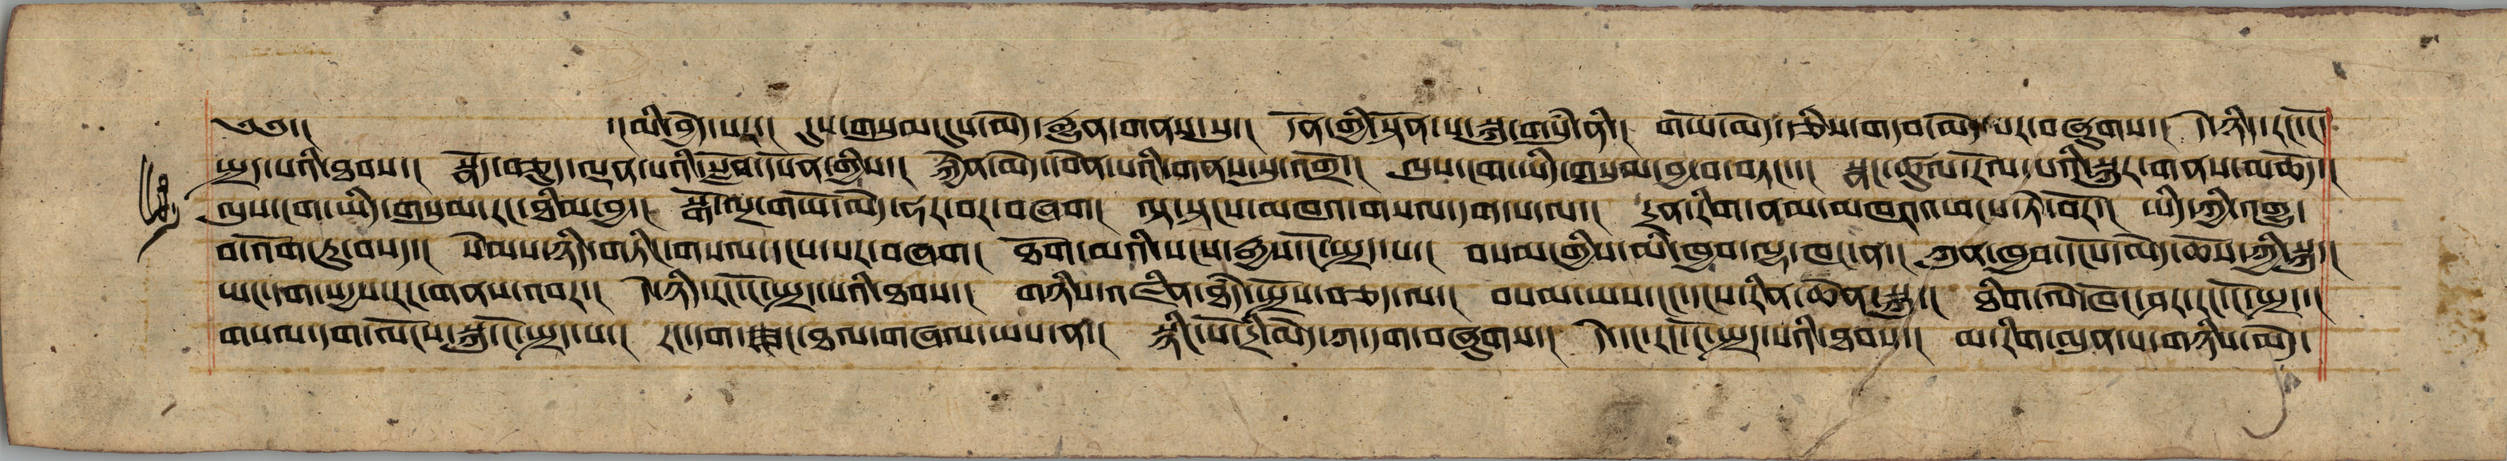༄༅་། དང་མི་བྱེད་པས། དུས་གསུམ་དུས་མེད་རྒྱུན་གནས་སུ་། དོན་གྱི་སྟོན་པ་སྐུ་གསུཾ་ནི་། གཡོ་མེད་རྩིས་གདབ་མེད་པར་བཞུགས་། དེ་ཉིད་རང་ངོ་
སྤྲད་པའི་ཐབས་། སྣོད་བཅུད་ལྡན་པའི་སློབ་དཔོན་གྱིས་། སྐྱེན་མེད་དབེན་པའི་གནས་སུ་འགྲོ་། ལུས་ངག་ཡིད་གསུམ་བྱ་བ་བཏང་། སྣང་ཚུལ་རོལ་པའི་སྐུར་གནས་མཆོད་།
ལུས་ངག་ཡིད་གསུམ་རང་ཐིམ་བྱ་། སྒོ་ལྔ་གཡོ་མེད་ཧར་བར་བཞག། ལྟ་སྟངས་མཁའ་གསལ་དག་པ་ལ་། དྲན་རིག་ནམ་མཁར་འཕངས་ཏེ་བོར་། ཡིད་ཀྱི་འགྱུ་
བ་འོག་ཏུ་བསད་། སེམས་ཉིད་གཏིང་གསལ་དངས་པར་བཞག། ཐོག་མའི་སངས་རྒྱས་ངོ་སྤྲད་པ་། བསམ་གྱིས་མི་ཁྱབ་ལྷ་ཁང་ན་། ཀུན་ཁྱབ་དངོས་མེད་ཆོས་ཀྱི་སྐུ་།
ཡང་དག་སདྱས་རང་གནས་འབར་། དེ་ཉིད་རང་ངོ་སྤྲད་པའི་ཐབས་། གཉིས་འཛིན་ཐཾད་སྤྲོས་བཅད་ལ་། བསམ་ཡས་ངང་དངས་རིན་ཆེན་སྐུ་། ཐིག་ལེ་ཁོང་ཤར་རང་ངོ་སྤྲད་།
གསལ་དག་ལོངས་སྐུ་ངོ་སྤྲད་པ་། རང་དག་ཟང་ཐལ་གཞལ་ཡས་ན་། སྙིང་པོ་དྲི་མེད་ཀ་དག་བཞུགས་། དེ་དང་རང་ངོ་སྤྲད་པའི་ཐབས་། མ་རིག་མུན་པ་གཉིས་མེད་